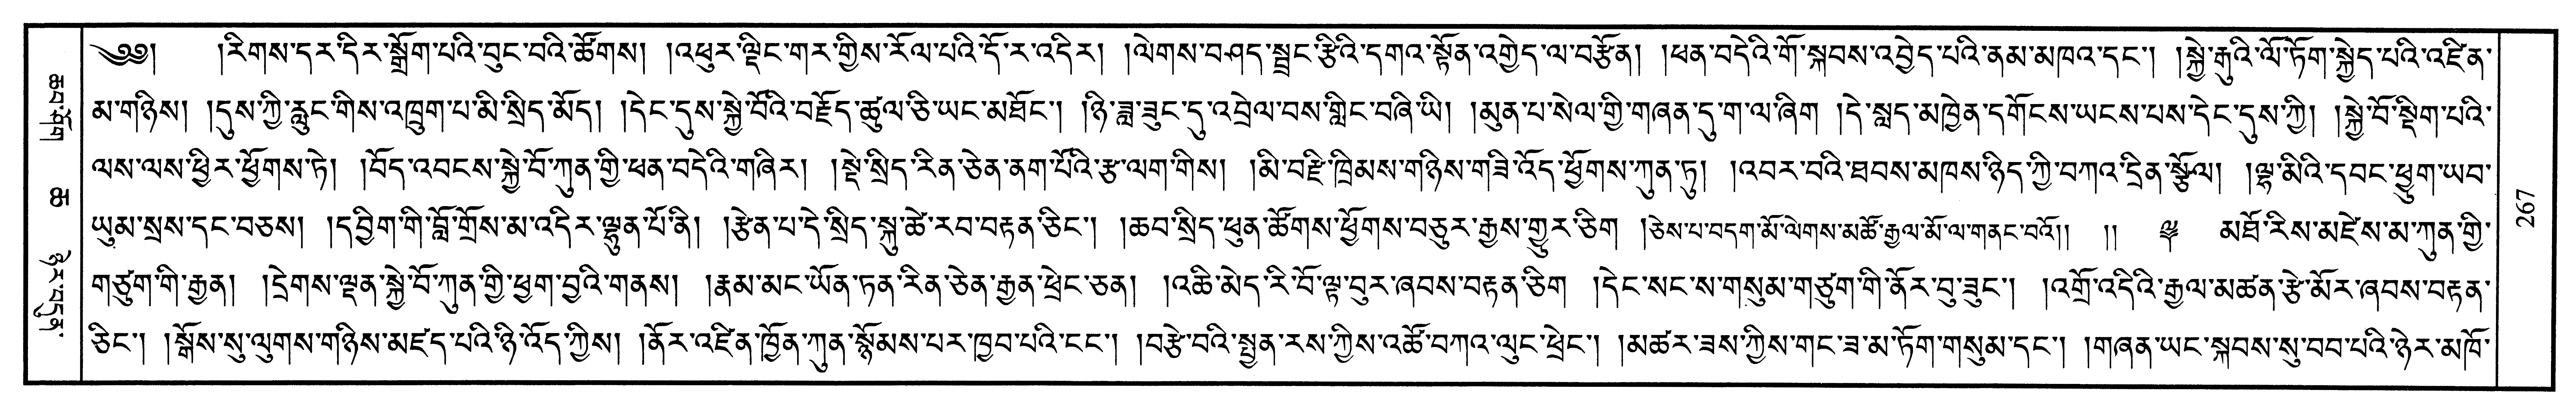༄༅། །རིགས་དར་དིར་སྒྲོག་པའི་བུང་བའི་ཚོགས། །འཕུར་ལྡིང་གར་གྱིས་རོལ་པའི་དོ་ར་འདིར། །ལེགས་བཤད་སྦྲང་རྩིའི་དགའ་སྟོན་འགྱེད་ལ་བརྩོན། །ཕན་བདེའི་གོ་སྐབས་འབྱེད་པའི་ནམ་མཁའ་དང་། །སྐྱེ་རྒུའི་ལོ་ཏོག་སྐྱེད་པའི་འཛིན་
མ་གཉིས། །དུས་ཀྱི་རླུང་གིས་འཁྲུག་པ་མི་སྲིད་མོད། །དེང་དུས་སྐྱེ་བོའི་བརྗོད་ཚུལ་ཅི་ཡང་མཐོང་། །ཉི་ཟླ་ཟུང་དུ་འབྲེལ་བས་གླིང་བཞི་ཡི། །མུན་པ་སེལ་གྱི་གཞན་དུ་ག་ལ་ཞིག །དེ་སླད་མཁྱེན་དགོངས་ཡངས་པས་དེང་དུས་ཀྱི། །སྐྱེ་བོ་སྡིག་པའི་
ལས་ལས་ཕྱིར་ཕྱོགས་ཏེ། །བོད་འབངས་སྐྱེ་བོ་ཀུན་གྱི་ཕན་བདེའི་གཞིར། །སྡེ་སྲིད་རིན་ཅེན་ནག་པོའི་རྩ་ལག་གིས། །མི་བརྫི་ཁྲིམས་གཉིས་གཟི་འོད་ཕྱོགས་ཀུན་ཏུ། །འབར་བའི་ཐབས་མཁས་ཉིད་ཀྱི་བཀའ་དྲིན་སྩོལ། །ལྷ་མིའི་དབང་ཕྱུག་ཡབ་
ཡུམ་སྲས་དང་བཅས། །དབྱིག་གི་བློ་གྲོས་མ་འདིར་ལྷུན་པོ་ནི། །རྩེན་པ་དེ་སྲིད་སྐུ་ཚེ་རབ་བརྟན་ཅིང་། །ཆབ་སྲིད་ཕུན་ཚོགས་ཕྱོགས་བཅུར་རྒྱས་གྱུར་ཅིག །ཅེས་པ་བདག་མོ་ལེགས་མཚོ་རྒྱལ་མོ་ལ་གནང་བའོ།། །། ༈ མཐོ་རིས་མཛེས་མ་ཀུན་གྱི་
གཙུག་གི་རྒྱན། །དྲེགས་ལྡན་སྐྱེ་བོ་ཀུན་གྱི་ཕྱག་བྱའི་གནས། །རྣམ་མང་ཡོན་ཏན་རིན་ཅེན་རྒྱན་ཕྲེང་ཅན། །འཆི་མེད་རི་བོ་ལྟ་བུར་ཞབས་བརྟན་ཅིག །དེང་སང་ས་གསུམ་གཙུག་གི་ནོར་བུ་ཟུང་། །འགྲོ་འདིའི་རྒྱལ་མཚན་རྩེ་མོར་ཞབས་བརྟན་
ཅིང་། །སྒོས་སུ་ལུགས་གཉིས་མཛད་པའི་ཉི་འོད་ཀྱིས། །ནོར་འཛིན་ཁྱོན་ཀུན་སྙོམས་པར་ཁྱབ་པའི་ངང་། །བརྩེ་བའི་སྤྱན་རས་ཀྱིས་འཚོ་བཀའ་ལུང་ཕྲེང་། །མཚར་ཟས་ཀྱིས་གང་ཟ་མ་ཏོག་གསུམ་དང་། །གཞན་ཡང་སྐབས་སུ་བབ་པའི་ཉེར་མཁོ་